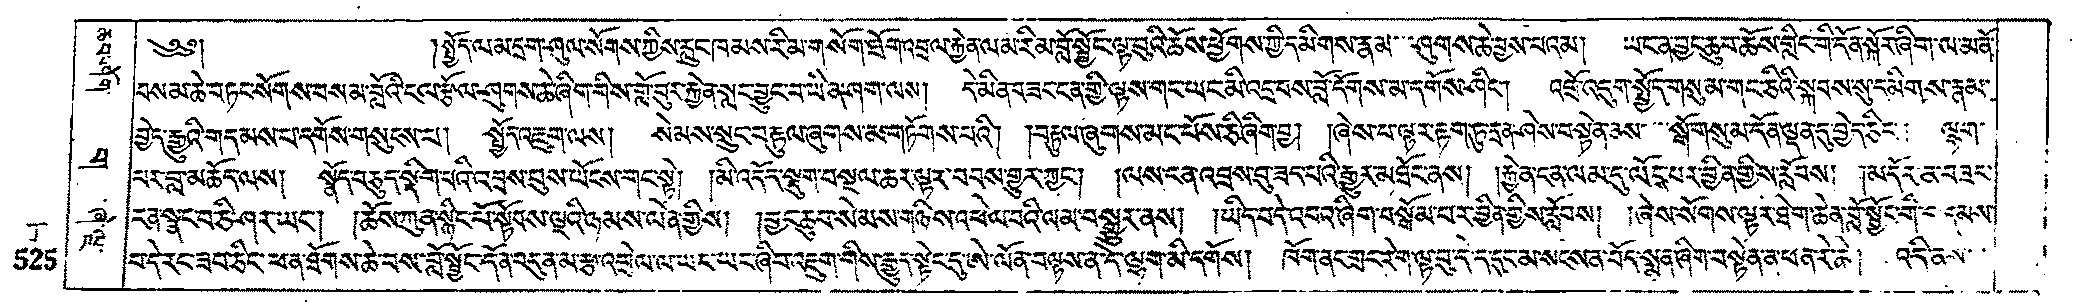༄༅། །སྤྱོད་ལམ་དྲག་ཤུལ་སོགས་ཀྱིས་རླུང་ཁམས་རིམ་གསོག་ཐོག་འཕྲལ་རྐྱེན་ལམ་རིམ་བློ་སྦྱོང་ལྟ་བུའི་ཆོས་ཕྱོགས་ཀྱི་དམིགས་རྣམ་་་ཤུགས་ཆེ་བྱས་པའམ། ཡང་ན་བྱང་ཆུབ་ཆོས་གླིང་གི་དོན་སྐོར་ཞིག་ལམ་ནོ་་་
བསམ་ཆེ་བཏང་སོགས་བསམ་བློའི་ངལ་རྩོལ་ཤུགས་ཆེ་ཞིག་གིས་གློ་བུར་རྐྱེན་སླང་བྱུང་བ་ཡིན་ཤག་ལས། དེ་མིན་བཟང་ངན་གྱི་ལྟས་གང་ཡང་མི་འདྲ་བས་བློ་དོགས་མ་དགོས་ཤིང་། འགྲོ་འདུག་སྤྱོད་གསུམ་གང་ཅིའི་སྐབས་སུ་དམིགས་རྣམ་
བྱེད་རྒྱུའི་གདམས་པ་དགོས་གསུངས་པ། སྤྱོད་འཇུག་ལས། སེམས་སྲུང་བརྟུལ་ཞུགས་མ་གཏོགས་པའི། །བརྟུལ་ཞུགས་མང་པོས་ཅི་ཞིག་བྱ། །ཞེས་པ་ལྟར་རྟག་ཏུ་དྲན་ཤེས་བསྟེན་ནས་་་སྒོ་གསུམ་དོན་ལྡན་དུ་བྱེད་ཅིང་། ལྷག་
པར་བླ་མཆོད་ལས། སྣོད་བཅུད་སྡིག་པའི་འབྲས་བུས་ཡོངས་གང་སྟེ། །མི་འདོད་སྡུག་བསྔལ་ཆར་ལྟར་བབས་གྱུར་ཀྱང་། །ལས་ངན་འབྲས་བུ་ཟད་པའི་རྒྱུར་མཐོང་ནས། །རྐྱེན་ངན་ལམ་དུ་ལོངས་པར་བྱིན་གྱིས་རློབས། །མདོར་ན་བཟང་
ངན་སྣང་བ་ཅི་ཤར་ཡང་། །ཆོས་ཀུན་སྙིང་པོ་སྟོབས་ལྔའི་ཉམས་ལེན་གྱིས། །བྱང་ཆུབ་སེམས་གཉིས་འཕེལ་བའི་ལམ་བསྒྱུར་ནས། །ཡིད་བདེ་འབའ་ཞིག་བསྒོམ་པར་བྱིན་གྱིས་རློབས། །ཞེས་སོགས་ལྟར་ཐེག་ཆེན་བློ་སྦྱོང་གི་གདམས་
པ་དེ་རང་ཟབ་ཅིང་ཕན་ཐོགས་ཆེ་བས་བློ་སྦྱོང་དོན་བདུན་མ་རྩ་འགྲེལ་ལ་ཡང་ཡང་ཞིབ་འཇུག་གིས་རྒྱུད་སྟེང་དུ་ཨེ་ལོན་བལྟས་ན་དེ་ལྷག་མི་དགོས། ཁོག་ནང་གྲང་རེག་ལྟ་བུ་དེ་ད་དུང་མ་སངས་ན་བོད་སྨན་ཞིག་བསྟེན་ན་ཕན་རེ་ཆེ། འདི་ནས་་་